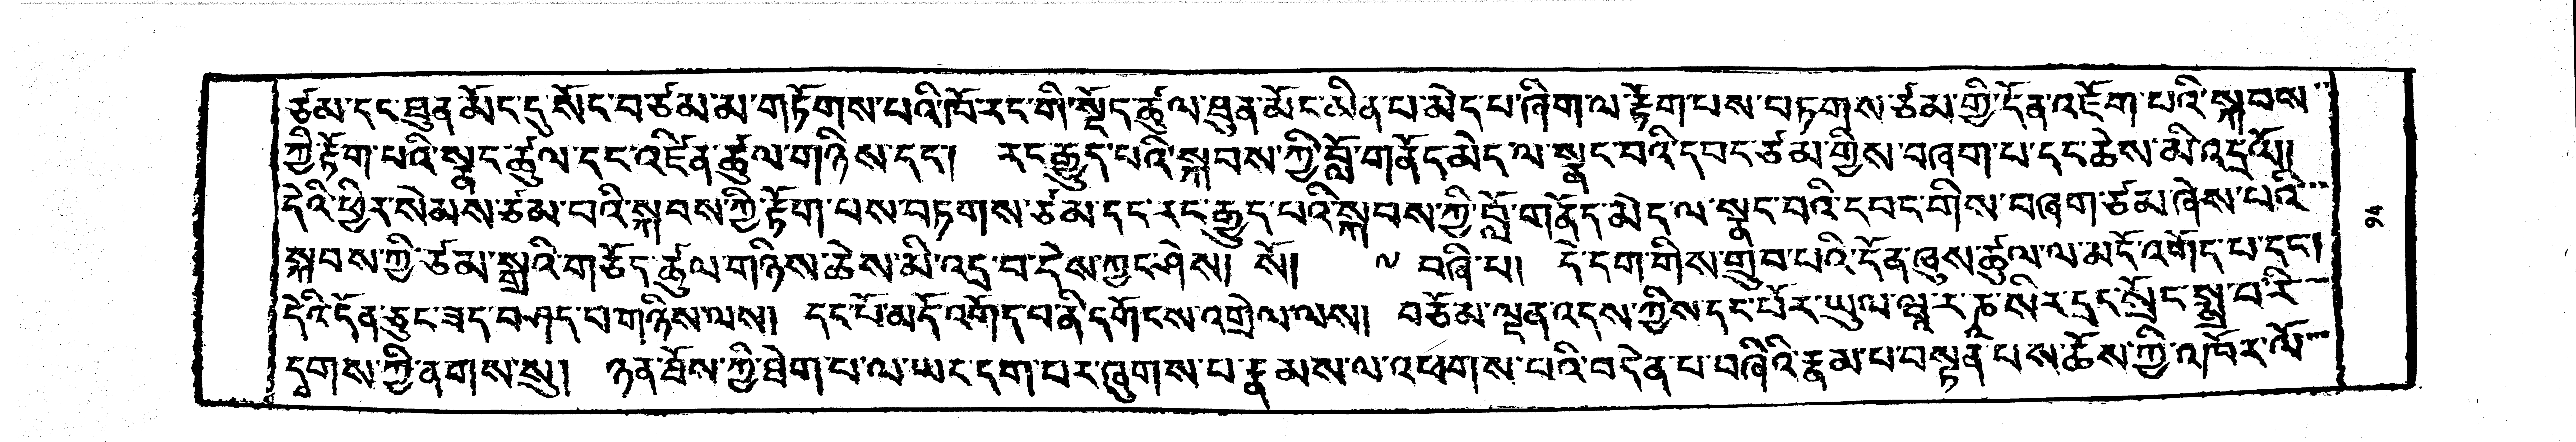ཙམ་དང་ཐུན་མོང་དུ་སོང་བ་ཙམ་མ་གཏོགས་པའི་ཁོ་རང་གི་སྡོད་ཚུལ་ཐུན་མོང་མིན་པ་མེད་པ་ཞིག་ལ་རྟོག་པས་བཏགས་ཙམ་གྱི་དོན་འཇོག་པའི་སྐབས་
ཀྱི་རྟོག་པའི་སྣང་ཚུལ་དང་འཛིན་ཚུལ་གཉིས་དང་། རང་རྒྱུད་པའི་སྐབས་ཀྱི་བློ་གནོད་མེད་ལ་སྣང་བའི་དབང་ཙམ་གྱིས་བཞག་པ་དང་ཆེས་མི་འདྲའོ།།
དེའི་ཕྱིར་སེམས་ཙམ་པའི་སྐབས་ཀྱི་རྟོག་པས་བཏགས་ཙམ་དང་རང་རྒྱུད་པའི་སྐབས་ཀྱི་བློ་གནོད་མེད་ལ་སྣང་བའི་དབང་གིས་བཞག་ཙམ་ཞེས་པའི་
སྐབས་ཀྱི་ཙམ་སྒྲའི་གཅོད་ཚུལ་གཉིས་ཆེས་མི་འདྲ་བ་དེས་ཀྱང་ཤེས་སོ། ༧བཞི་པ། དེ་དག་གིས་གྲུབ་པའི་དོན་ཞུས་ཚུལ་ལ་མདོ་འགོད་པ་དང་།
དེའི་དོན་ཅུང་ཟད་བཤད་པ་གཉིས་ལས། དང་པོ་མདོ་འགོད་པ་ནི་དགོངས་འགྲེལ་ལས། བཅོམ་ལྡན་འདས་ཀྱིས་དང་པོར་ཡུལ་ཝཱ་ར་ཎཱ་སིར་དྲང་སྲོང་སྨྲ་བ་རི་
དྭགས་ཀྱི་ནགས་སུ། ཉན་ཐོས་ཀྱི་ཐེག་པ་ལ་ཡང་དག་པར་ཞུགས་པ་རྣམས་ལ་འཕགས་པའི་བདེན་པ་བཞིའི་རྣམ་པ་བསྟན་པས་ཆོས་ཀྱི་འཁོར་ལོ་